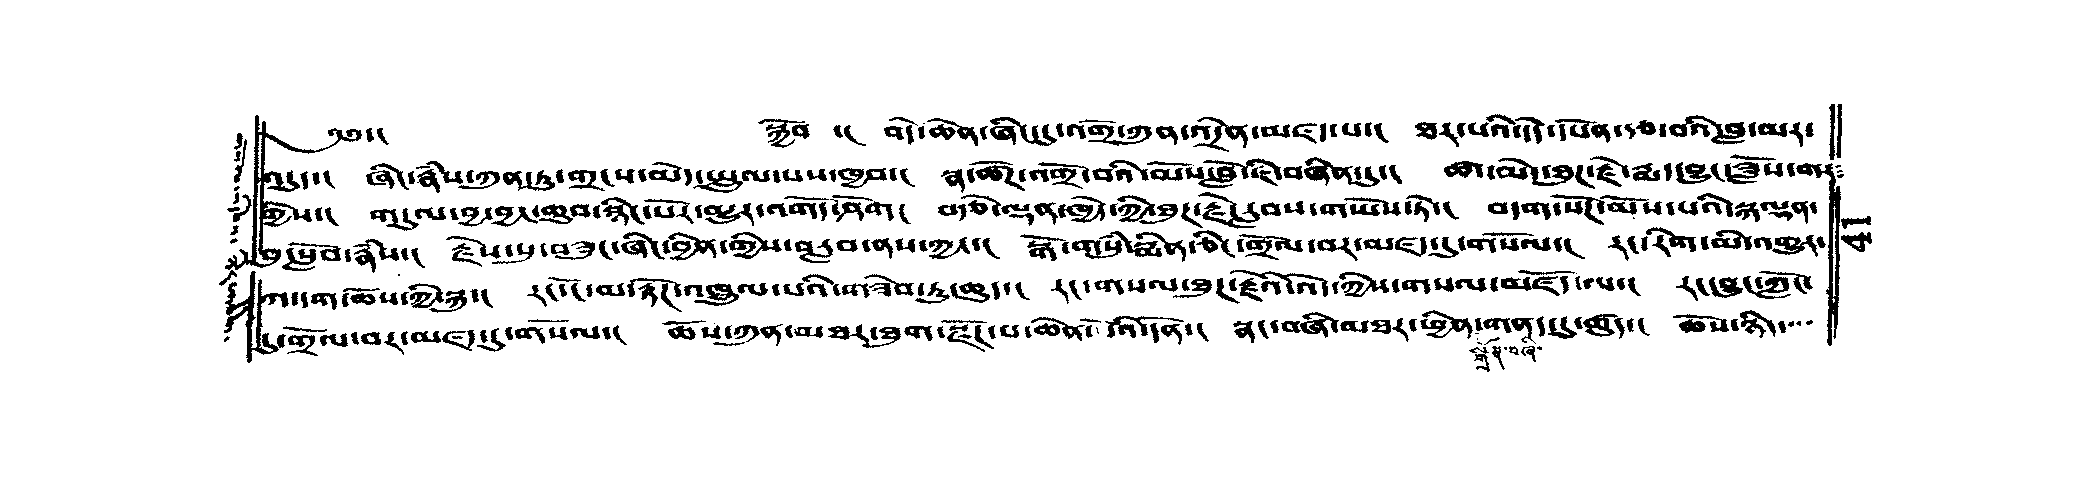སྐྱོབས། །བདེ་ཆེན་ཞིང་དུ་འགྲོ་ཀུན་འདྲེན་མཛད་པ། །ཐར་པའི་དེད་དཔོན་རྩ་བའི་བླ་མར་
འདུད། །ཞིང་རྣམས་ཀུན་ཏུ་གྲངས་མེད་སྤྲུལ་པས་ཁྱབ། །སྣ་ཚོགས་འགྲོ་བའི་མོས་བློ་ཇི་བཞིན་དུ། །ཚད་མེད་ཐུགས་རྗེ་རྨད་བྱུང་ཟློས་གར་
གྱིས། །གདུལ་བྱ་བྱང་ཆུབ་སྙིང་པོར་མྱུར་འགོད་ཤོག །བརྩེ་ལྡན་ཁྱེད་ཀྱི་ཐུགས་རྗེ་རླབས་གཡོས་ཏེ། །བདག་སོགས་མོས་པའི་སྐལ་ལྡན་
བུ་སློབ་རྣམས། །རྗེས་སུ་བཟུང་ཞིང་བྱིན་གྱིས་བརླབ་ནས་ཀྱང་། །སྒོ་གསུམ་སྨིན་ཅིང་གྲོལ་བར་མཛད་དུ་གསོལ། །རང་རིག་མི་འགྱུར་
ཀ་དག་ཆོས་ཀྱི་སྐུ། །རང་ངོ་མ་རྟོགས་འཁྲུལ་པའི་གཟེབ་ཏུ་ཆུད། །རང་གསལ་ཐུགས་རྗེའི་འོད་ཀྱིས་གསལ་མཛོད་ལ། །རང་བྱུང་ཀློང་
དུ་གྲོལ་བར་མཛད་དུ་གསོལ། །ཆོས་ཀུན་མཐར་ཐུག་རྫོགས་པ་ཆེན་པོའི་དོན། །སྣང་བཞི་མཐར་ཕྱིན་སྒྲོན་བཞི་གནད་དུ་ཚུད། །ཆོས་ཉིད་